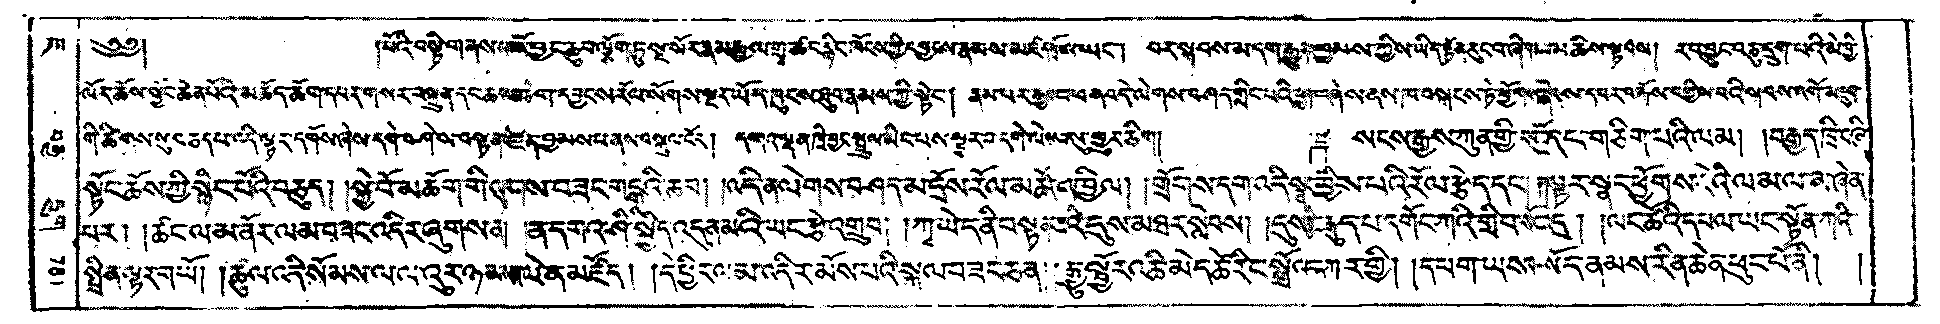༄༅། །པོའི་བསྟི་གནས་ལ་མོ་བྱང་ཆུབ་ལྕོག་ཏུ་སྔ་སོར་རྣམ་རྒྱལ་གྲྭ་ཚང་རྙིང་ཁོངས་ཀྱི་དབྱངས་རྣམས་མཛད་སྲོལ་ཡང་། བར་སྐབས་མ་དག་རྒྱུན་འབྱམས་ཀྱིས་ཡིད་རྟོན་རུང་བ་ཞིག་མ་མཆིས་སྟབས། རབ་བྱུང་བཅུ་དྲུག་པའི་མེ་བྱི་
ལོར་ཆོས་སྐྱོང་ཆེན་པོའི་མཆོད་ཆོག་དཔར་གསར་བསྐྲུན་དང་ཆབས་ཅིག་དབྱངས་རོལ་སོགས་སྔར་ཡོད་ཁུངས་ཐུབ་རྣམས་ཀྱི་སྟེང་། རྣམ་པར་རྒྱལ་བ་ཕན་བདེ་ལེགས་བཤད་གླིང་པའི་ཕྱག་བཞེས་ནས་ཁ་བསྐངས་ཏེ་ཕྱོགས་སྡེབས་དཔར་བརྐོས་བགྱིས་པའི་སྐབས་འགོ་མཇུག་
གི་ཚིགས་སུ་བཅད་པ་འདི་ལྟར་དགོས་ཞེས་དགེ་བཤེས་བསྟན་འཛིན་བྱམས་པ་ནས་བསྐུལ་ངོར། དགའ་ལྡན་ཁྲི་བྱང་སྤྲུལ་མིང་པས་སྦྱར་བ་དགེ་ལེགས་སུ་གྱུར་ཅིག ། །། ༈ སངས་རྒྱས་ཀུན་གྱི་བགྲོད་པ་གཅིག་པའི་ལམ། །བརྒྱད་ཁྲི་བཞི་
སྟོང་ཆོས་ཀྱི་སྙིང་པོའི་བཅུད། །སྐྱེ་བོ་མཆོག་གི་ལུགས་བཟང་གངྒཱའི་ཆབ། །འདི་ན་ལེགས་བཤད་མ་དྲོས་རོལ་མཚོར་འཁྱིལ། །གྲོགས་དག་འདི་སྣང་བྱིས་པའི་རོལ་རྩེད་དང་། །ལྟར་སྣང་ཕྱོགས་རེའི་ལམ་ལ་མ་ཞེན་
པར། །ཚང་ལམ་ནོར་ལམ་བཟང་འདིར་ཞུགས་ན། །ན་དགའ་ཤི་སྐྱིད་འདུན་མའི་ཡང་རྩེ་འགྲུབ། །ཀྭ་ཡེ་ད་ནི་བསྟན་པའི་དུས་མཐར་སླེབས། །དུས་ཀྱི་རྒུད་པ་དགོང་ཀའི་གྲིབ་སོ་འདྲ། །ལང་ཚོའི་དཔལ་ཡང་སྟོན་ཀའི་
སྤྲིན་ལྟར་གཡོ། །ཚུལ་འདི་སོམས་ལ་ལ་འུར་ཉམས་ལེན་མཛོད། །དེ་ཕྱིར་ལམ་འདིར་མོས་པའི་སྐལ་བཟང་ཅན། །རྒྱུ་སྦྱོར་འཆི་མེད་ཚེ་རིང་སྒྲོལ་དཀར་གྱི། །དཔག་ཡས་བསོད་ནམས་རིན་ཆེན་ཕུང་པོ་ནི། །